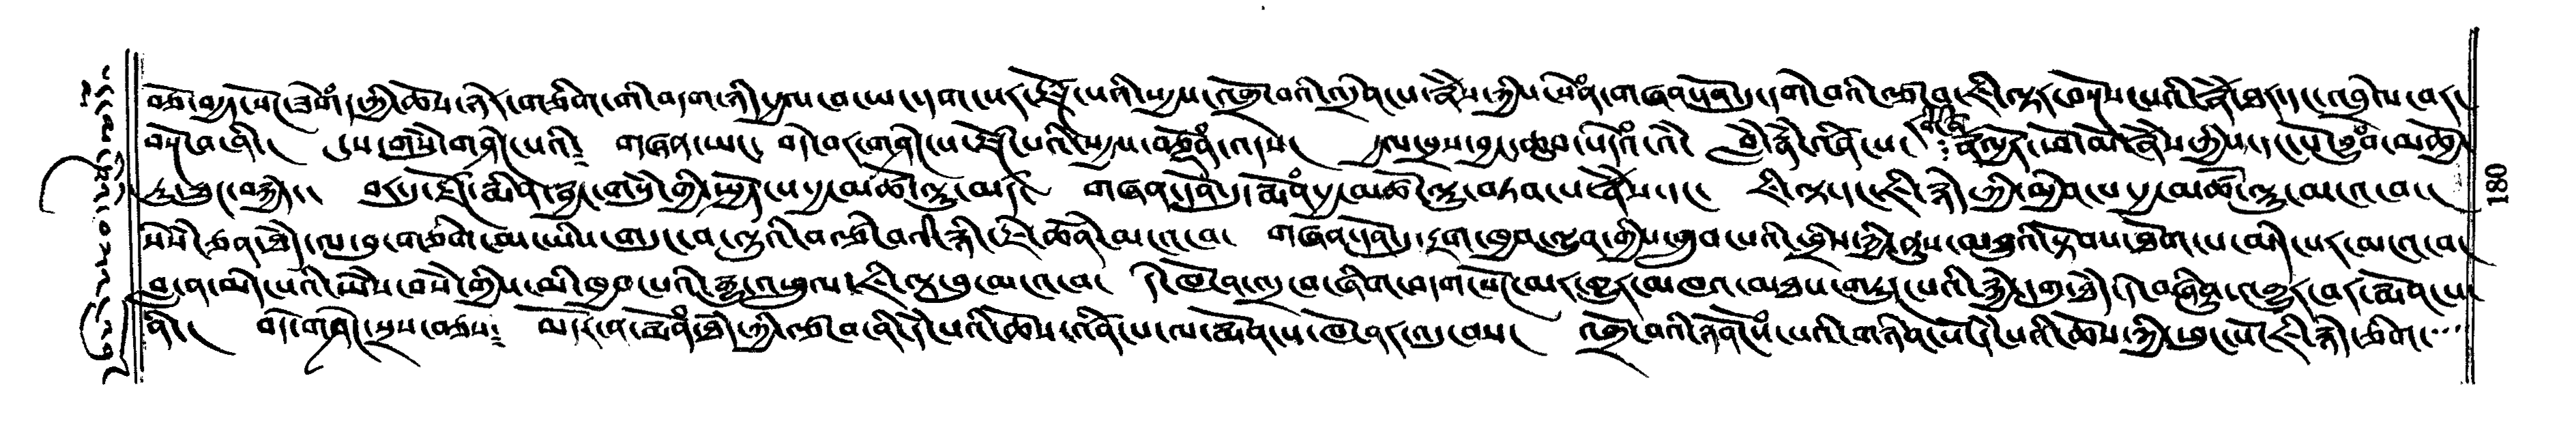བཅོ་བརྒྱད་སོགས་ཟག་མེད་ཀྱི་ཆོས་ཉེར་གཅིག་གི་བདག་ཉིད་རྒྱལ་བ་ཡང་དག་པར་རྫོགས་པའི་སངས་རྒྱས་འགྲོ་བའི་འདྲེན་པ་རྣམས་ཀྱིས་སེམས་ཅན་གཞན་དོན་དུ་དགེ་བའི་རྩ་བ་ཇི་ལྟར་བསྔོས་པའི་རྣམ་ཐར་དང་འབྲེལ་བར་
བསྔོ་བ་ནི། དུས་གསུམ་གཤེགས་པའི༴ གཞན་ཡང་ བདེ་བར་གཤེགས་པ་རྫོགས་པའི་སངས་རྒྱས་བཅོམ་ལྡན་འདས། རྒྱལ་སྲས་བྱང་ཆུབ་སེམས་དཔའ་འམ་ བླ་མ་རྡོ་རྗེ་འཛིན་པ། རིག་འཛིན་རྣལ་འབྱོར་ཕོ་མོ་རྣམས་ཀྱི་དང་པོ་བྱང་ཆུབ་མཆོག་
ཏུ་ཐུགས་བསྐྱེད། བར་དུ་རྫོགས་སྨིན་སྦྱང་གསུམ་གྱི་སྤྱོད་པ་རྒྱ་མཚོ་ལྟ་བུ་མཛད། གཞན་དོན་དུ་སྨོན་ལམ་རྒྱ་མཚོ་ལྟ་བུ་བཏབ་པ་རྣམས་དང་། ཇི་ལྟ་དང་ཇི་སྙེད་ཀྱི་མཁྱེན་པ་རྒྱ་མཚོ་ལྟ་བུ་མངའ་བ། 
སེམས་ཅན་ཐམས་ཅད་ལ་བུ་གཅིག་མ་ཡིས་གདུང་བ་ལྟ་བུའི་བརྩེ་བའི་སྙིང་རྗེ་ཆེན་པོ་མངའ་བ། གཞན་དོན་དུ་རྟག་ཁྱབ་ལྷུན་གྱིས་གྲུབ་པའི་ཕྲིན་ལས་ཀྱི་ནུས་མཐུའི་སྟོབས་ཐོགས་པ་མེད་པར་མངའ་བ་
བླ་ན་མེད་པའི་ཡེ་ཤེས་བསམ་གྱི་མི་ཁྱབ་པའི་སྒྱུ་འཕྲུལ་ཇི་ལྟ་བུ་མངའ་བ། དེ་ཁོ་ན་འདྲ་བ་ཞིག་བདག་སོགས་མར་གྱུར་མཁའ་མཐས་གཏུགས་པའི་སྐྱེ་དགུ་ཐམས་ཅད་དེ་བཞིན་དུ་འགྱུར་བར་སྨོན་པ་
ནི། བདེ་གཤེགས་སྲས་བཅས༴ མདོར་ན་སྨོན་ལམ་ཐམས་ཅད་ཀྱི་རྩ་བ་ནི་དམ་པའི་ཆོས་འཛིན་པ་ལ་སྨོན་པ་ཁོ་ནར་འདུ་བས་། འགྲོ་བའི་ཉོན་མོངས་པའི་གཉེན་པོ་དམ་པའི་ཆོས་ཀྱི་ཕུང་པོ་ཇི་སྙེད་ཅིག་